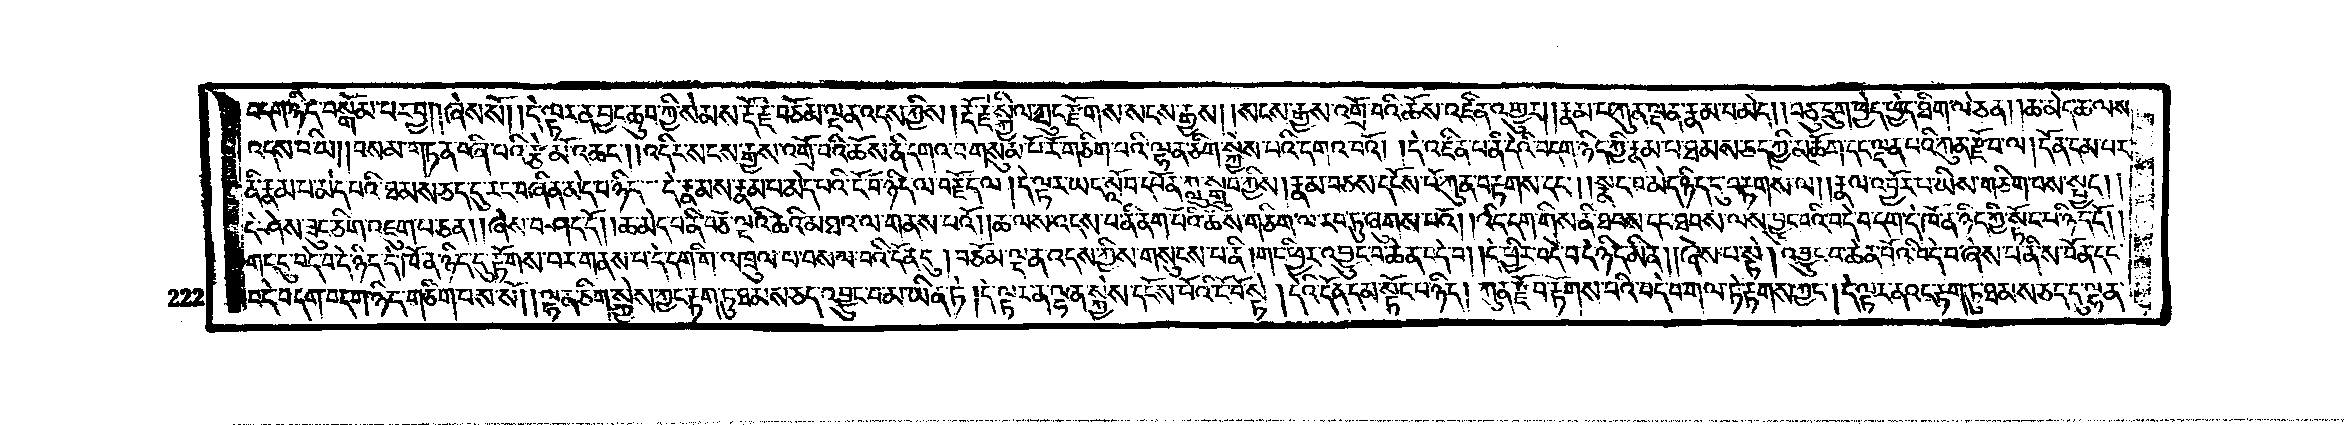བདག་ཉིད་བསྒོམ་པར་བྱ། །ཞེས་སོ། །དེ་ལྟར་ན་བྱང་ཆུབ་གྱི་སེམས་རྡོ་རྗེ་བཅོམ་ལྡན་འདས་ཀྱིས། རྡོ་རྗེ་སྐྱིལ་ཀྲུང་རྫོགས་སངས་རྒྱས། །སངས་རྒྱས་འགྲོ་བའི་ཆོས་འཛིན་འགྱུར། །རྣམ་པ་ཀུན་ལྡན་རྣམ་པ་མེད། །བཅུ་དྲུག་བྱེད་ཕྱེད་ཐིག་ལེ་ཅན། །ཆ་མེད་ཆ་ལས་
འདས་པ་ཡི། །བསམ་གཏན་བཞི་པའི་རྩེ་མོ་འཆང་། །འདིར་སངས་རྒྱས་འགྲོ་བའི་ཆོས་ནི་དགའ་བ་གསུམ་པོ་རོ་གཅིག་པའི་ལྷན་ཅིག་སྐྱེས་པའི་དགའ་བའོ། །དེ་འཛིན་པ་ནི་དེའི་བདག་ཉིད་ཀྱི་རྣམ་པ་ཐམས་ཅད་ཀྱི་མཆོག་དང་ལྡན་པའི་ཀུན་རྫོབ་ལ། དོན་དམ་པར་
ནི་རྣམ་པ་མེད་པའི་ཐམས་ཅད་དུ་རང་བཞིན་མེད་པ་ཉིད་དེ་རྣམས་རྣམ་པ་མེད་པའི་ངོ་བོ་ཉིད་ལ་བརྗོད་ལ། དེ་ལྟར་ཡང་སློབ་དཔོན་ཀླུ་སྒྲུབ་ཀྱིས། རྣམ་བཅས་དངོས་པོ་ཀུན་བརྟགས་དང་། །སྣང་བ་མེད་ཉིད་དུ་བརྟགས་ལ། །རྣལ་འབྱོར་པ་ཡིས་གཅིག་བས་སྤྱད། །
དེ་ཤེས་ཟུང་ཅིག་འཇུག་པ་ཅན། །ཞེས་བཤད་དེ། །ཆ་མེད་པ་ནི་བཅོ་ལྔའི་ཆའི་མཐའ་ལ་གནས་པའོ། །ཆ་ལས་འདས་པ་ནི་ནག་པོའི་ཆོས་གཅིག་ལ་རབ་ཏུ་ཞུགས་པའོ། །འདི་དག་གིས་ནི་ཐབས་དང་ཐབས་ལས་བྱུང་བའི་བདེ་བ་དག་དེ་ཁོ་ན་ཉིད་ཀྱི་སྟོང་པ་ཉིད་དོ། །
གང་དུ་བདེ་བ་དེ་ཉིད་དེ་ཁོ་ན་ཉིད་དུ་རྟོགས་བར་གནས་པ་དེ་དག་གི་འཁུལ་པ་བསལ་བའི་དོན་དུ། བཅོམ་ལྡན་འདས་ཀྱིས་གསུངས་པ་ནི། གང་ཕྱིར་འབྱུང་བ་ཆེན་བདེ་བ། །དེ་ཕྱིར་བདེ་བ་དེ་ཉིད་མིན། །ཞེས་པ་སྟེ། འབྱུང་བ་ཆེན་པོའི་བདེ་བ་ཞེས་པ་ནི་ས་བོན་དང་
བདེ་བདག་བདག་ཉིད་གཅིག་པས་སོ། །ལྷན་ཅིག་སྐྱེས་ཀྱང་རྟག་ཏུ་ཐམས་ཅད་འབྱུང་བ་མ་ཡིན་ཏེ། དེ་ལྟར་ན་ལྷན་སྐྱེས་དངོས་པོའི་ངོ་བོ་སྟེ། དེའི་དོན་དམ་སྟོང་པ་ཉིད། ཀུན་རྫོབ་རྟོགས་པའི་བདེ་བ་གལ་ཏེ་རྟོགས་ཀྱང་། དེ་ལྟར་ནའང་རྟག་ཏུ་ཐམས་ཅད་དུ་ལྷན་